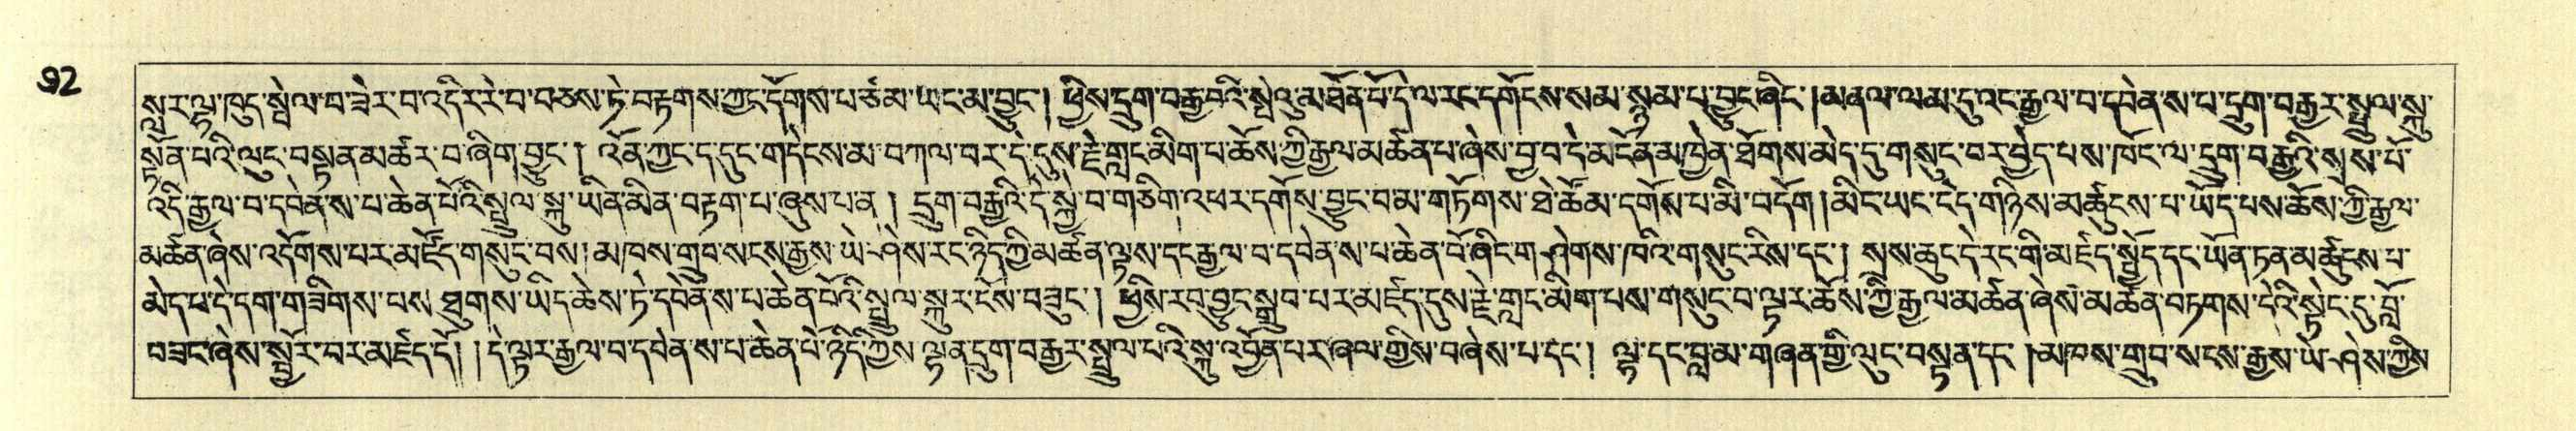སླར་ལྷ་ཁུད་སྤེལ་བ་ཟེར་བ་འདིར་རེ་བ་བཅས་ཏེ་བརྟགས་ཀྱང་དོགས་པ་ཙམ་ཡང་མ་བྱུང་། ཕྱིས་དྲུག་བརྒྱ་བའི་སྤེའུ་མཐོན་པོ་དེ་ལ་རང་དགོངས་སམ་སྙམ་པ་བྱུང་ཞིང་། མནལ་ལམ་དུའང་རྒྱལ་བ་དབེན་པ་དྲུག་བརྒྱར་སྤྲུལ་སྐུ་
སྟོན་པའི་ལུང་བསྟན་མཚར་བ་ཞིག་བྱུང་། འོན་ཀྱང་ད་དུང་གདེངས་མ་བཀལ་བར་དེ་དུས་རྗེ་གླང་མིག་པ་ཆོས་ཀྱི་རྒྱལ་མཚན་པ་ཞེས་བྱ་བ་དེ་མངོན་མཁྱེན་ཐོགས་མེད་དུ་གསུང་བར་བྱེད་པས་ཁོང་ལ་དྲུག་བརྒྱའི་སྲས་པོ་
འདི་རྒྱལ་བ་དབེན་ས་པ་ཆེན་པོའི་སྤྲུལ་སྐུ་ཡིན་མིན་བརྟག་པ་ཞུས་པ་ན། དྲུག་བརྒྱའི་དེ་སྐྱེ་བ་གཅིག་འཕར་དགོས་བྱུང་བ་མ་གཏོགས་ཐེ་ཚོམ་དགོས་པ་མི་བདོག། མིང་ཡང་ངེད་གཉིས་མཚུངས་པ་ཡོད་པས་ཆོས་ཀྱི་རྒྱལ་
མཚན་ཞེས་འདོགས་པར་མཛོད་གསུང་བས། མཁས་གྲུབ་སངས་རྒྱས་ཡེ་ཤེས་རང་ཉིད་ཀྱི་མཚན་ལྟས་དང་རྒྱལ་བ་དབེན་ས་པ་ཆེན་པོ་ཞིང་གཤེགས་ཁའི་གསུང་རིས་དང་། སྲས་ཆུང་དེ་རང་གི་མཛད་སྤྱོད་དང་ཡོན་ཏན་མཚུངས་པ་
མེད་པ་དེ་དག་གཟིགས་པས་ཐུགས་ཡིད་ཆེས་ཏེ་དབེན་ས་པ་ཆེན་པོའི་སྤྲུལ་སྐུར་ངོས་བཟུང་། ཕྱིས་རབ་བྱུང་སྒྲུབ་པར་མཛད་དུས་རྗེ་གླང་མིག་པས་གསུང་བ་ལྟར་ཆོས་ཀྱི་རྒྱལ་མཚན་ཞེས་མཚན་བཏགས་དེའི་སྟེང་དུ་བློ་
བཟང་ཞེས་སྦྱོར་བར་མཛད་དོ། །དེ་ལྟར་རྒྱལ་བ་དབེན་ས་པ་ཆེན་པོ་ཉིད་ཀྱིས་ལྷན་དྲུག་བརྒྱར་སྤྲུལ་པའི་སྐུ་འབྱོན་པར་ཞལ་གྱིས་བཞེས་པ་དང་། ལྷ་དང་བླ་མ་གཞན་གྱི་ལུང་བསྟན་དང་།མཁས་གྲུབ་སངས་རྒྱས་ཡེ་ཤེས་ཀྱིས་